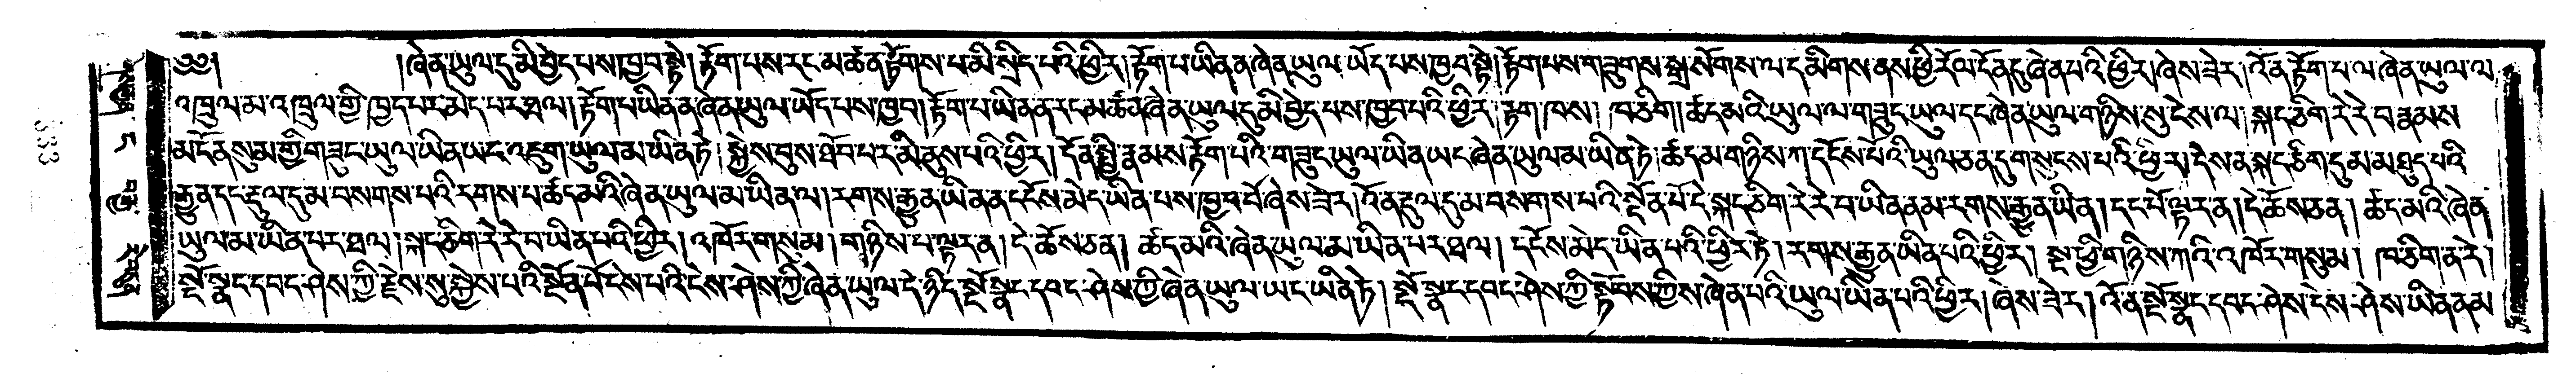༄༅། །ཞེན་ཡུལ་དུ་མི་བྱེད་པས་ཁྱབ་སྟེ། རྟོག་པས་རང་མཚན་རྟོགས་པ་མི་སྲིད་པའི་ཕྱིར། རྟོག་པ་ཡིན་ན་ཞེན་ཡུལ་ཡོད་པས་ཁྱབ་སྟེ། རྟོག་པས་གཟུགས་སྒྲ་སོགས་ལ་དམིགས་ནས་ཕྱི་རོལ་དོན་དུ་ཞེན་པའི་ཕྱིར། ཞེས་ཟེར། འོ་ན་རྟོག་པ་ལ་ཞེན་ཡུལ་ལ་
འཁྲུལ་མ་འཁྲུལ་གྱི་ཁྱད་པར་མེད་པར་ཐལ། རྟོག་པ་ཡིན་ན་ཞེན་ཡུལ་ཡོད་པས་ཁྱབ། རྟོག་པ་ཡིན་ན་རང་མཚན་ཞེན་ཡུལ་དུ་མི་བྱེད་པས་ཁྱབ་པའི་ཕྱིར། རྟག་ཁས། ཁ་ཅིག །ཚད་མའི་ཡུལ་ལ་གཟུང་ཡུལ་དང་ཞེན་ཡུལ་གཉིས་སུ་ངེས་ལ། སྐད་ཅིག་རེ་རེ་བ་རྣམས་
མངོན་སུམ་གྱི་གཟུང་ཡུལ་ཡིན་ཡང་འཇུག་ཡུལ་མ་ཡིན་ཏེ། སྐྱེས་བུས་ཐོབ་པར་མི་ནུས་པའི་ཕྱིར། དོན་སྤྱི་རྣམས་རྟོག་པའི་གཟུང་ཡུལ་ཡིན་ཡང་ཞེན་ཡུལ་མ་ཡིན་ཏེ། ཚད་མ་གཉིས་ཀ་དངོས་པོའི་ཡུལ་ཅན་དུ་གསུངས་པའི་ཕྱིར། དེས་ན་སྐད་ཅིག་དུ་མ་མཐུད་པའི་
རྒྱུན་དང་རྡུལ་དུ་མ་བསགས་པའི་རིགས་པ་ཚད་མའི་ཞེན་ཡུལ་མ་ཡིན་ལ། རགས་རྒྱུན་ཡིན་ན་དངོས་མེད་ཡིན་པས་ཁྱབ་བོ་ཞེས་ཟེར། འོ་ན་རྡུལ་དུ་མ་བསགས་པའི་སྔོན་པོ་དེ་སྐད་ཅིག་རེ་རེ་བ་ཡིན་ནམ་རགས་རྒྱུན་ཡིན། དང་པོ་ལྟར་ན། དེ་ཆོས་ཅན། ཚད་མའི་ཞེན་
ཡུལ་མ་ཡིན་པར་ཐལ། སྐད་ཅིག་རེ་རེ་བ་ཡིན་པའི་ཕྱིར། འཁོར་གསུམ། གཉིས་པ་ལྟར་ན། དེ་ཆོས་ཅན། ཚད་མའི་ཞེན་ཡུལ་མ་ཡིན་པར་ཐལ། དངོས་མེད་ཡིན་པའི་ཕྱིར་ཏེ། རགས་རྒྱུན་ཡིན་པའི་ཕྱིར། སྔ་ཕྱི་གཉིས་ཀའི་འཁོར་གསུམ། ཁ་ཅིག་ན་རེ།
སྔོ་སྣང་དབང་ཤེས་ཀྱི་རྗེས་སུ་སྐྱེས་པའི་སྔོན་པོ་ངེས་པའི་ངེས་ཤེས་ཀྱི་ཞེན་ཡུལ་དེ་ཉིད་སྔོ་སྣང་དབང་ཤེས་ཀྱི་ཞེན་ཡུལ་ཡང་ཡིན་ཏེ། སྔོ་སྣང་དབང་ཤེས་ཀྱི་སྟོབས་ཀྱིས་ཞེན་པའི་ཡུལ་ཡིན་པའི་ཕྱིར། ཞེས་ཟེར། འོ་ན་སྔོ་སྣང་དབང་ཤེས་ངེས་ཤེས་ཡིན་ནམ་